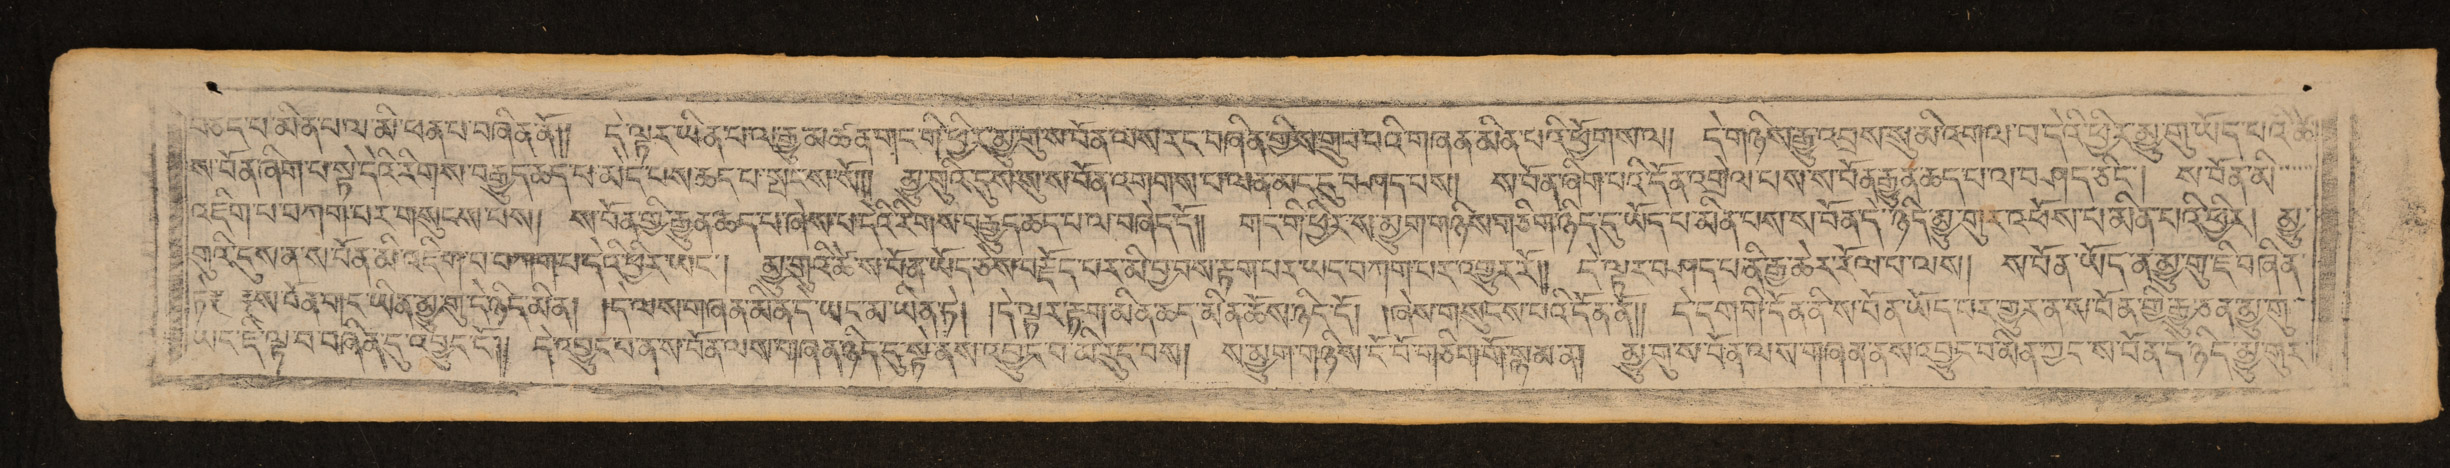བཅད་པ་མིན་པ་ལ་མི་ཕན་པ་བཞིན་ནོ།། དེ་ལྟར་ཡིན་པ་ལ་རྒྱུ་མཚན་གང་གི་ཕྱིར་མྱུ་གུ་ས་བོན་ལས་རང་བཞིན་གྱིས་གྲུབ་པའི་གཞན་མིན་པའི་ཕྱོགས་ལ། དེ་གཉིས་རྒྱུ་འབྲས་སུ་མི་འགལ་བ་དེའི་ཕྱིར་མྱུ་གུ་ཡོད་པའི་ཚེ་
ས་བོན་ཞིག་པ་སྟེ་དེའི་རིགས་བརྒྱུད་ཆད་པ་མེད་པས་ཆད་པ་སྤངས་སོ།། མྱུ་གུའི་དུས་སུ་ས་བོན་འགགས་པ་ལན་མང་དུ་བཤད་པས། ས་བོན་ཞིག་པའི་དོན་འགྲེལ་པས་ས་བོན་རྒྱུན་ཆད་པ་ལ་བཤད་ཅིང་། ས་བོན་མི་
འཇིག་པ་བཀག་པར་གསུངས་པས། ས་བོན་གྱི་རྒྱུན་ཆད་པ་ཞེས་པ་དེའི་རིགས་བརྒྱུད་ཆད་པ་ལ་བཞེད་དོ།། གང་གི་ཕྱིར་ས་མྱུག་གཉིས་གཅིག་ཉིད་དུ་ཡོད་པ་མིན་པས་ས་བོན་དེ་ཉིད་མྱུ་གུར་འཕོས་པ་མིན་པའི་ཕྱིར། མྱུ་
གུའི་དུས་ན་ས་བོན་མི་འཇིག་པ་བཀག་པ་དེའི་ཕྱིར་ཡང་། མྱུ་གུའི་ཚེ་ས་བོན་ཡོད་ཅེས་བརྗོད་པར་མི་བྱ་བས་རྟག་པར་ཡང་བཀག་པར་འགྱུར་རོ།། དེ་ལྟར་བཤད་པ་ནི་རྒྱ་ཆེར་རོལ་པ་ལས། ས་བོན་ཡོད་ན་མྱུ་གུ་ཇི་བཞིན་
ཏེ༑ ༑ས་བོན་གང་ཡིན་མྱུ་གུ་དེ་ཉིད་མིན། །དེ་ལས་གཞན་མིན་དེ་ཡང་མ་ཡིན་ཏེ། །དེ་ལྟར་རྟག་མིན་ཆད་མིན་ཆོས་ཉིད་དོ། །ཞེས་གསུངས་པའི་དོན་ནོ།། དེ་དག་གི་དོན་ནི་ས་བོན་ཡོད་པར་གྱུར་ན་ས་བོན་གྱི་རྒྱུ་ཅན་མྱུ་གུ་
ཡང་ཇི་ལྟ་བ་བཞིན་དུ་འབྱུང་ངོ།། དེ་འབྱུང་བ་ན་ས་བོན་ལས་གཞན་ཉིད་དུ་སྟེ་ནས་འབྱུང་བ་མི་རུང་བས། ས་མྱུག་གཉིས་ངོ་བོ་གཅིག་གོ་སྙམ་ན། མྱུ་གུ་ས་བོན་ལས་གཞན་ནས་འབྱུང་བ་མིན་ཀྱང་ས་བོན་དེ་ཉིད་མྱུ་གུར་